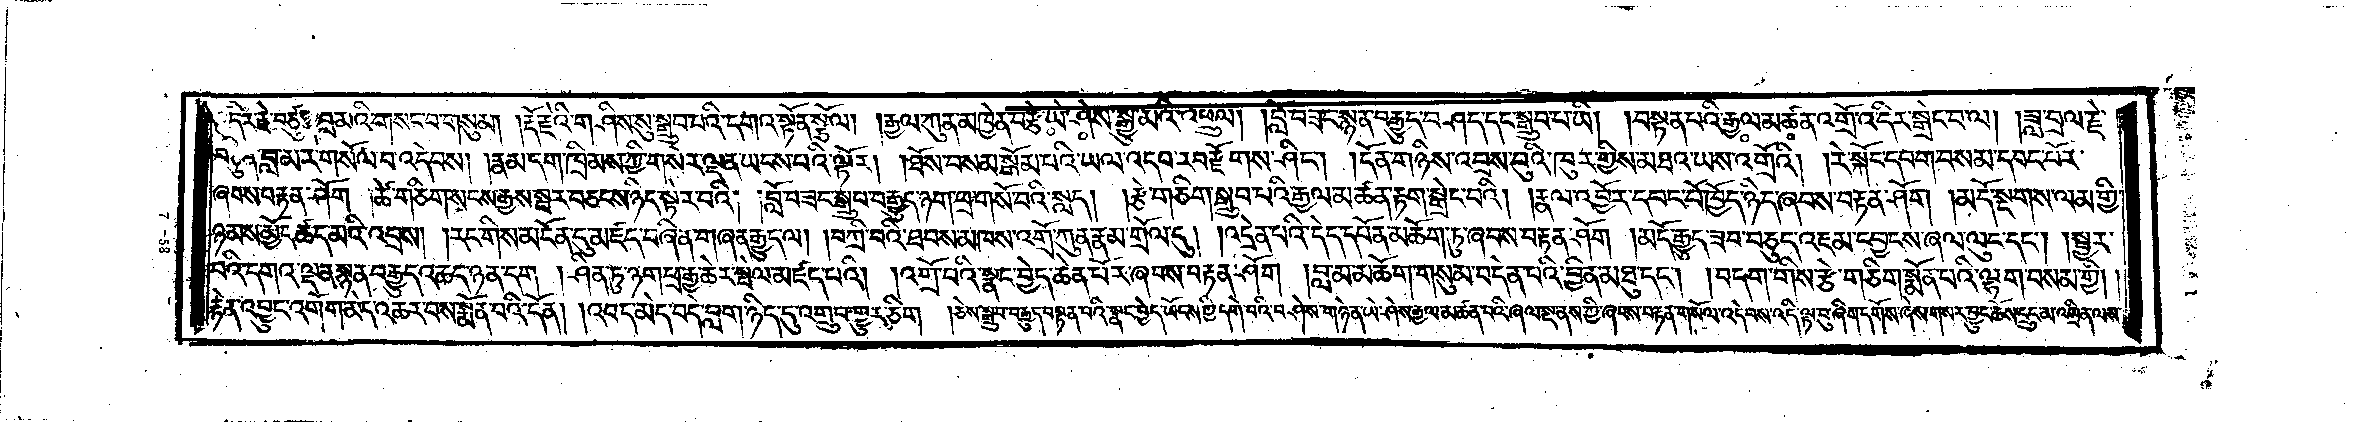འདིར་རྗེ་བཙུན་བླ་མའི་གསང་བ་གསུམ། །རྡོ་རྗེའི་གཤིས་སུ་སྒྲུབ་པའི་དགའ་སྟོན་སྩོལ། །རྒྱལ་ཀུན་མཁྱེན་བརྩེ་ཡེ་ཤེས་སྒྱུ་མའི་འཕྲུལ། །བློ་བཟང་སྙན་བརྒྱུད་བཤད་དང་སྒྲུབ་པ་ཡི། །བསྟན་པའི་རྒྱལ་མཚན་འགྲོ་འདིར་སྒྲེང་བ་ལ། །ཟླ་བྲལ་རྗེ་
བཙུན་བླ་མར་གསོལ་བ་འདེབས། །རྣམ་དག་ཁྲིམས་ཀྱི་གསེར་ལྡན་ཡངས་པའི་ལྟོར། །ཐོས་བསམ་སྒོམ་པའི་ཡལ་འདབ་རབ་རྫོགས་ཤིག །དོན་གཉིས་འབྲས་བུའི་ཁུར་གྱིས་མཐའ་ཡས་འགྲོའོ། །རེ་སྐོང་དཔག་བསམ་དབང་པོར་
ཞབས་བརྟན་ཤོག །ཚེ་གཅིག་སངས་རྒྱས་སྦར་བཅངས་ཉིད་སྟེར་བའི། །བློ་བཟང་སྒྲུབ་བརྒྱུད་ཉག་ཕྲ་གསོ་བའི་སླད། །རྩེ་གཅིག་སྒྲུབ་པའི་རྒྱལ་མཚན་རྟག་སྒྲེང་བའི། །རྣལ་འབྱོར་དབང་པོ་ཁྱོད་ཉིད་ཞབས་བརྟན་ཤོག །མདོ་སྔགས་ལམ་གྱི་
ཉམས་མྱོང་ཚད་མའི་འབྲས། །རང་གིས་མངོན་དུ་མཛད་བཞིན་གཞན་རྒྱུད་ལ། །བཀྲི་བའི་ཐབས་མཁས་འགྲོ་ཀུན་རྣམ་གྲོལ་དུ། །འདྲེན་པའི་དེད་དབོན་མཆོག་ཏུ་ཞབས་བརྟན་ཤོག །མདོ་རྒྱུད་ཟབ་བཅུད་འཇམ་དབྱངས་ཞལ་ལུང་དང་། །སྦྱར་
བའི་དགའ་ལྡན་སྙན་བརྒྱུད་འཆད་ཉན་དག །ཤིན་ཏུ་ཉག་ཕྲ་རྒྱ་ཆེར་སྤེལ་མཛད་པའི། །འགྲོ་བའི་སྣང་བྱེད་ཆེན་པོར་ཞབས་བརྟན་ཤོག །བླ་མ་མཆོག་གསུམ་བདེན་པའི་བྱིན་མཐུ་དང་། །བདག་གིས་རྩེ་གཅིག་སྨོན་པའི་ལྷག་བསམ་གྱི། །
རྟེན་འབྱུང་འགོག་མེད་འཆར་བས་སྨོན་པའི་དོན། །འབད་མེད་བདེ་བླག་ཉིད་དུ་འགྲུབ་གྱུར་ཅིག་།ཅེས་སྒྲུབ་བརྒྱུད་བསྟན་པའི་སྣང་བྱེད་ཡོངས་ཀྱི་དགེ་བའི་བཤེས་གཉེན་ཡེ་ཤེས་རྒྱལ་མཚན་བའི་ཞལ་སྔ་ནས་ཀྱི་ཞབས་བརྟན་གསོལ་འདེབས་འདི་ལྟ་བུ་ཞིག་དགོས་ཞེས་གསར་བྱུང་ཆོས་བྲུང་མ་འགྲིན་ལས